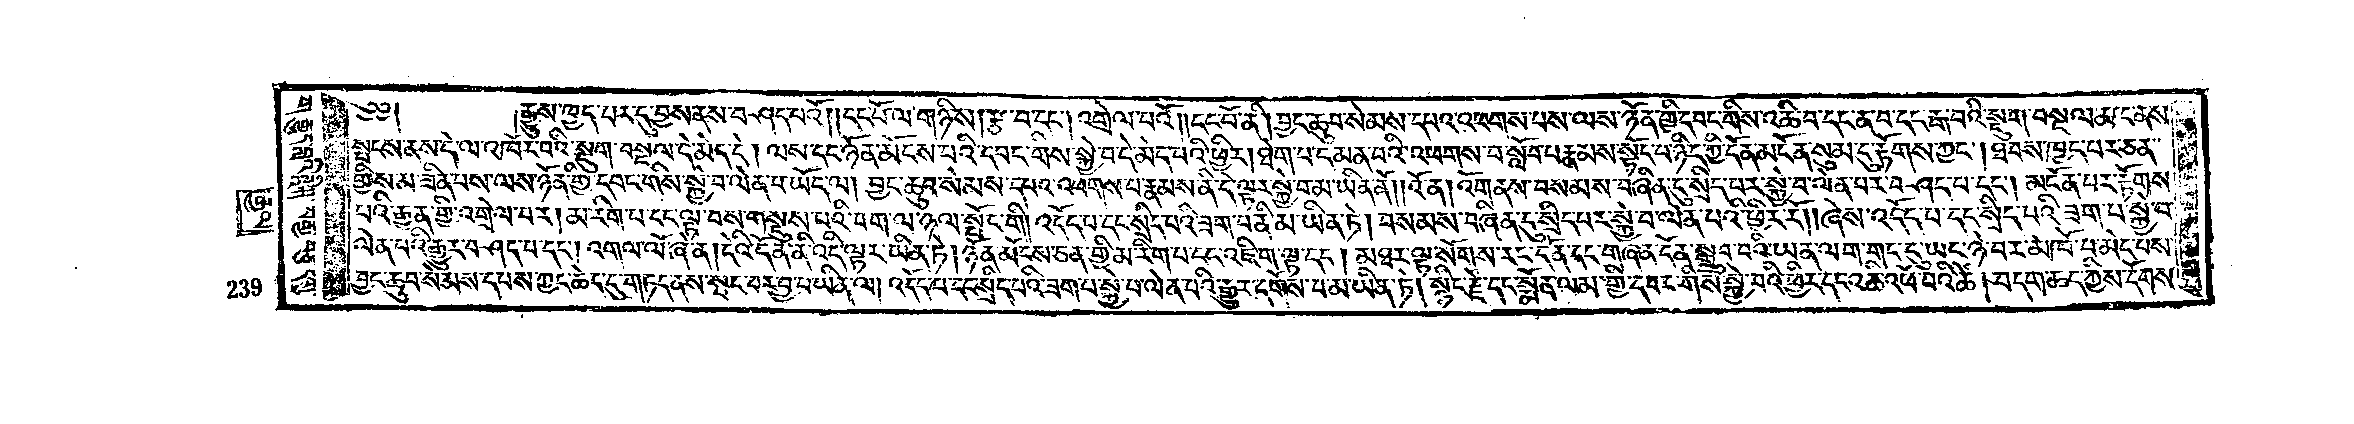༄༅། །རྒྱུས་ཁྱད་པར་དུ་བྱས་ནས་བཤད་པའོ། །དང་པོ་ལ་གཉིས། རྩ་བ་དང་། འགྲེལ་པའོ། །དང་པོ་ནི། བྱང་ཆུབ་སེམས་དཔའ་འཕགས་པས་ལས་ཉོན་གྱི་དབང་གིས་འཆི་བ་དང་ན་བ་དང་རྒ་བའི་སྡུག་བསྔལ་མང་ནས་
སྤངས་ནས་དེ་ལ་འཁོར་བའི་སྡུག་བསྔལ་དེ་མེད་དེ། ལས་དང་ཉོན་མོངས་པའི་དབང་གིས་སྐྱེ་བ་དེ་མེད་པའི་ཕྱིར། ཐེག་པ་དམན་པའི་འཕགས་པ་སློབ་པ་རྣམས་སྟོང་པ་ཉིད་ཀྱི་དོན་མངོན་སུམ་དུ་རྟོགས་ཀྱང་། ཐབས་ཁྱད་པར་ཅན་
གྱིས་མ་ཟིན་པས་ལས་ཉོན་གྱི་དབང་གིས་སྐྱེ་བ་ལེན་པ་ཡོད་ལ། བྱང་ཆུབ་སེམས་དཔའ་འཕགས་པ་རྣམས་ནི་དེ་ལྟར་སྐྱེ་བ་མ་ཡིན་ནོ། །འོ་ན། འོག་ནས་བསམས་བཞིན་དུ་སྲིད་པར་སྐྱེ་བ་ལེན་པར་བཤད་པ་དང་། མངོན་པར་རྟོགས་
པའི་རྒྱན་གྱི་འགྲེལ་པར། མ་རིག་པ་དང་ལྟ་བས་བསྡུས་པའི་བག་ལ་ཉལ་སྤོང་གི །འདོད་པ་དང་སྲིད་པའི་ཟག་པ་ནི་མ་ཡིན་ཏེ། བསམས་བཞིན་དུ་སྲིད་པར་སྐྱེ་བ་ལེན་པའི་ཕྱིར་རོ། །ཞེས་འདོད་པ་དང་སྲིད་པའི་ཟག་པ་སྐྱེ་བ་
ལེན་པའི་རྒྱུར་བཤད་པ་དང་། འགལ་ལོ་ཞེ་ན། དེའི་དོན་ནི་འདི་ལྟར་ཡིན་ཏེ། ཉོན་མོངས་ཅན་གྱི་མ་རིག་པ་དང་འཇིག་ལྟ་དང་། མཐར་ལྟ་སོགས་རང་དོན་དང་གཞན་དོན་སྒྲུབ་པའི་ཡན་ལག་གང་དུ་ཡང་ཉེ་བར་མི་ཁོ་བ་མེད་པས་
བྱང་ཆུབ་སེམས་དཔས་ཀྱང་ཆེད་དུ་གཏད་ནས་སྤང་བར་བྱ་བ་ཡིན་ལ། འདོད་པ་དང་སྲིད་པའི་ཟག་པ་སྐྱེ་བ་ལེན་པའི་རྒྱུར་དགོས་པ་མ་ཡིན་ཏེ། སྙིང་རྗེ་དང་སྨོན་ལམ་གྱི་དབང་གིས་སྐྱེ་བའི་ཕྱིར་དང་འཆི་འཕོ་བའི་ཚེ། བདག་ཆད་ཀྱིས་དོགས་